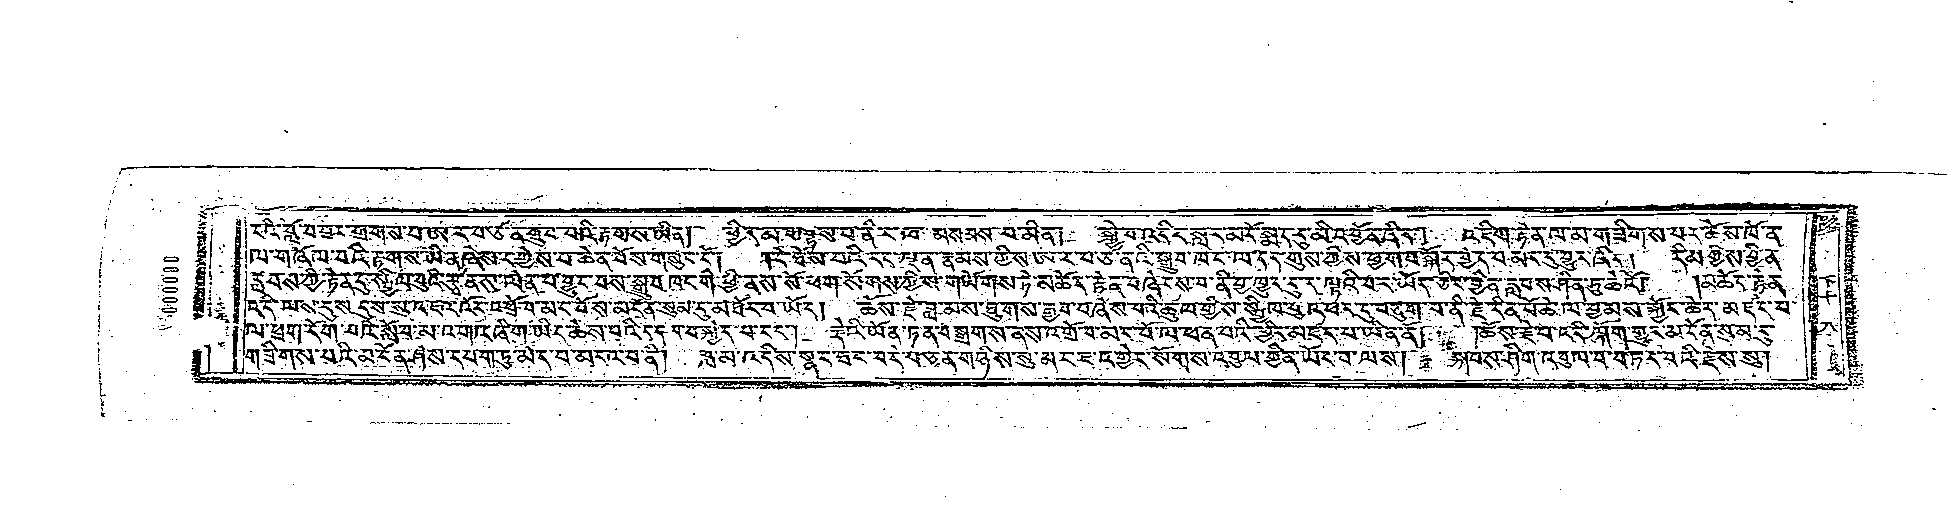ངའི་བློ་བཟང་གྲགས་བ་ཨ་ར་བ་ཙ་ན་གྲུབ་པའི་རྟགས་ཡིན། ཕྱིར་མ་བལྟས་བ་ནི་ང་ལ་མ་སམས་པ་མིན། སྐྱེ་བ་འདིར་སླར་མདོ་སྨད་དུ་མི་འབྱོན་ཞིང་། འཇིག་རྟེན་ལ་མ་གཟིགས་པར་ཆོས་ཁོ་ན་
ལ་གཞོལ་བའི་རྟགས་ཡིན་ཞེས་དགྱེས་པ་ཆེན་པོས་གསུང་ངོ། །དེ་ཐོས་པའི་དང་ལྡན་རྣམས་ཀྱིས་ཨ་ར་པ་ཙ་ནའི་སྒྲུབ་ཁང་ལ་དད་གུས་ཀྱིས་ཕྱག་བསྐོར་བྱེད་པ་མང་དུ་བྱུང་ཞིང་། རིམ་གྱིས་བྱིན་
རླབས་ཀྱི་རྟེན་དུ་སྤྱིལ་བུའི་རྩྭ་ནས་ལེན་པ་བྱུང་བས་སྒྲུབ་ཁང་གི་ཕྱི་ནས་སོ་ཕག་སོགས་ཀྱིས་གཡོགས་ཏེ་མཆོད་རྟེན་བཞེངས་པ་ནི་བྱ་ཁྱུང་དུ་ད་ལྟའི་བར་ཡོད་ཅིང་བྱིན་རླབས་ཤིན་ཏུ་ཆེའོ། །མཆོད་རྟེན་
འདི་ལས་དུས་དུས་སུ་འཇའ་འོད་འཕྲོ་བ་མང་བོས་མངོན་སུམ་དུ་མཐོང་བ་ཡོད། ཚེས་རྗེ་བླ་མས་ཐུགས་རྒྱབ་བཞེས་པའི་ཚུལ་གྱིས་སྤྱིལ་བུ་འཕང་དུ་བཅུག་བ་ནི་རྗེ་རིན་པོ་ཆེ་ལ་བྱམས་སྐྱོང་ཆེར་མཛད་པ་
ལ་ཕྲག་དོག་བའི་སློབ་མ་འགའ་ཞིག་ཡིད་ཆེས་པའི་དད་པ་བསྐྱེད་པ་དང་། རྗེའི་ཡོན་ཏན་བསྒྲགས་ནས་འགྲོ་བ་མང་པོ་ལ་ཕན་པའི་ཕྱིར་མཇད་པ་ཡིན་ནོ། །ཆོས་རྗེ་བ་འདི་ལྐོག་གྱུར་མངོན་སུམ་དུ་
གཟིགས་པའི་མངོན་ཤེས་དཔག་ཏུ་མེད་པ་མངའ་བ་ནི། བླ་མ་འདིས་སྣང་ཐང་བདེ་བ་ཅན་གཉིས་སུ་མང་ཇ་འགྱེད་སོགས་འབུལ་གྱིན་ཡོང་བ་ལས། སྐབས་ཤིག་འབུལ་བ་བཏང་བའི་རྗེས་སུ་